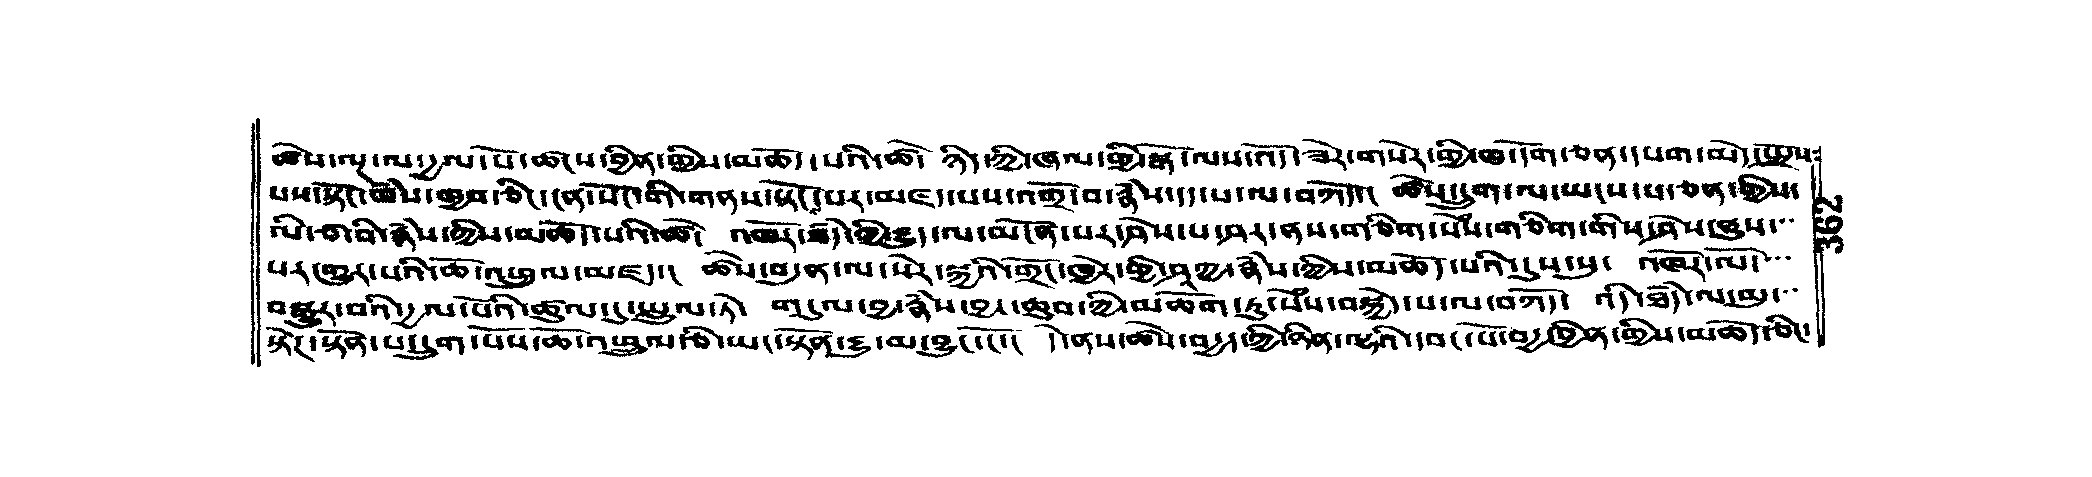ཚེས་ལྔ་ལ་རྒྱལ་པོ་ཚངས་བྱིན་གྱིས་མཆོད་པའི་ཚེ་ཉིད་ཀྱི་ཞལ་གྱི་སྒོ་ལས་འོད་ཟེར་གསེར་གྱི་ཁ་དོག་ཅན་དཔག་མེད་སྤྲོས་
པས་སྟོང་ཁམས་ཁྱབ་ཅིང་ངན་སོང་གི་གནས་སྟོངས་པར་མཛད་པས་འགྲོ་བ་རྣམས་དད་པ་ལ་བཀོད། ཚེས་དྲུག་ལ་ཡངས་པ་ཅན་གྱིས་
ལི་ཙ་བི་རྣམས་ཀྱིས་མཆོད་པའི་ཚེ། འཁོར་ཐམས་ཅད་ཀྱི་རྒྱུད་ལ་མངོན་པར་ཤེས་པ་ཤར་ནས་གཅིག་སེམས་གཅིག་གིས་ཤེས་ནུས་
པར་གྱུར་པའི་ཆོ་འཕྲུལ་མཛད། ཚེས་བདུན་སེར་སྐྱའི་གྲོང་ཁྱེར་གྱི་ཤཱཀྱ་རྣམས་ཀྱིས་མཆོད་པའི་དུས་སུ། འཁོར་ལོ་
བསྒྱུར་བའི་རྒྱལ་པོའི་ཚུལ་དུ་སྤྲུལ་ཏེ། གདུལ་བྱ་རྣམས་བྱང་ཆུབ་ཀྱི་མཆོག་ཏུ་སེམས་བསྐྱེད་པ་ལ་བཀོད། འདི་ཐམས་ཅད་ལ་མུ་
སྟེགས་སྟོན་པ་དྲུག་པོས་ཆོ་འཕྲུལ་ཅི་ཡང་སྟོན་རྒྱུ་མ་བྱུང་ངོ་། དེ་ནས་ཚེས་བརྒྱད་ཀྱི་ཉིན་ལྷའི་དབང་པོ་བརྒྱ་བྱིན་གྱིས་མཆོད་ཅིང་